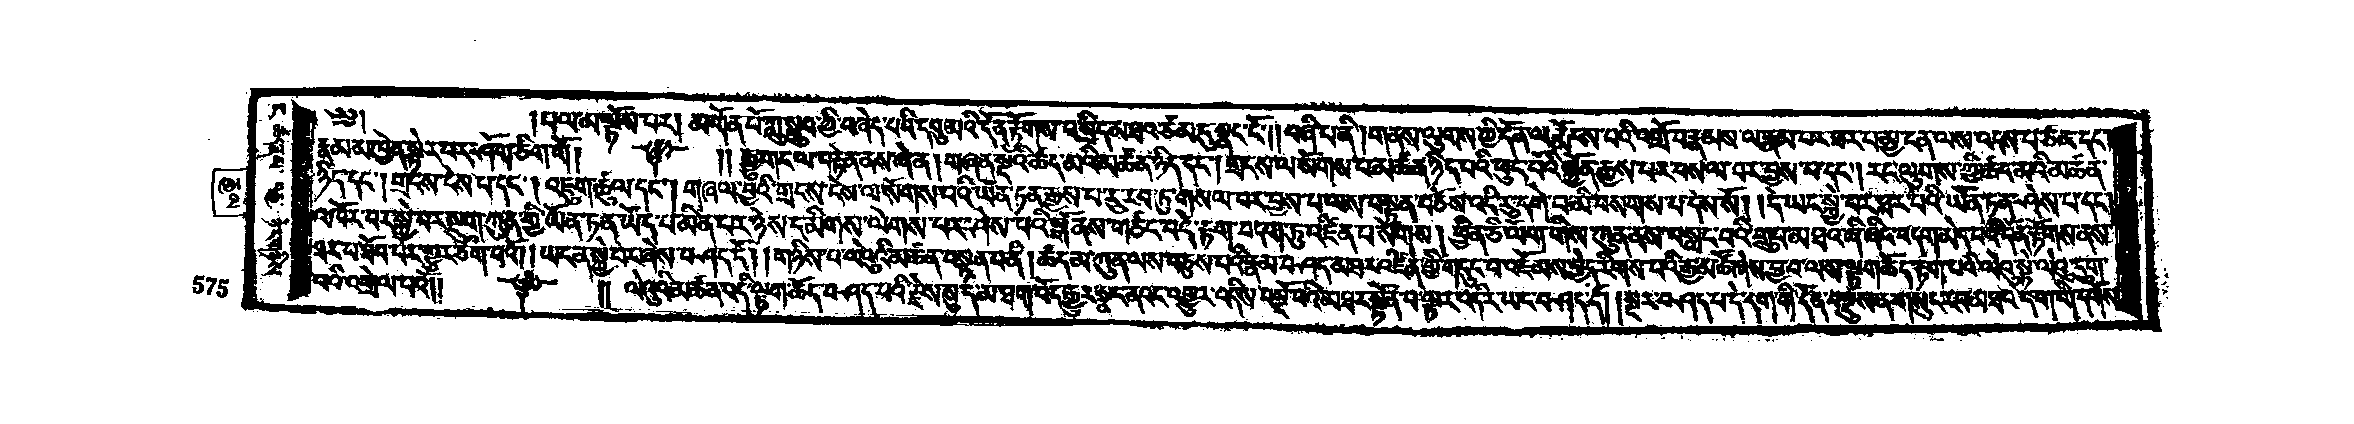༄༅། །པ་ལ་མ་ལྟོས་པར། མགོན་པོ་ཀླུ་སྒྲུབ་ཀྱི་བཞེད་པའི་དབུ་མའི་དོན་རྟོགས་པ་སྲིད་མཐའ་ཙམ་དུ་སྣང་ངོ། །བཞི་པ་ནི། གནས་ལུགས་ཀྱི་དོན་ལ་རྨོངས་པའི་འགྲོ་བ་རྣམས་ལ་རྣམ་པར་ཐར་པ་མྱ་ངན་ལས་འདས་པ་ཙམ་དང་།
རྣམ་མཁྱེན་སྟེར་པར་ཤོག་ཅིག་གོ ། ༆་།།རྒྱུ་གང་ལ་བརྟེན་ནས་ཞེ་ན། གཞན་སྡེའི་ཚད་མའི་མཚན་ཉིད་དང་། གྲངས་ལ་སོགས་པ་མཚན་ཉིད་པའི་ཕུང་པོའི་སྐྱོན་རྒྱས་པར་བསལ་བར་བྱས་པ་དང་། རང་ལུགས་ཀྱི་ཚད་མའི་མཚན་
ཉིད་དང་། གྲངས་ངེས་པ་དང་། གཞལ་བྱའི་གྲངས་ངེས་ལ་སོགས་པའི་ཡོན་ཏན་རྒྱས་པ་རུ་རབ་ཏུ་གསལ་བར་བྱས་པ་ལས་བསྟན་བཅོས་འདི་རུ་དགེ་བ་མི་བསགས་པ་ངེས་སོ། །དེ་ཡང་སྐྱེ་བར་ཐར་པའི་ཡོན་ཏན་ཤེས་པ་དང་།
འཁོར་བར་སྐྱེ་བར་སྡུག་ཀུན་གྱི་ཡོན་ཏན་ཡོད་པ་མིན་པར་ཉེས་དམིགས་ལེགས་པར་ཤེས་པའི་སྒོ་ནས་གཙང་བདེ་རྟག་བདག་ཏུ་འཛིན་པ་སོགས། ཕྱིན་ཅི་ལོག་གིས་ཀུན་ནས་བསླང་བའི་གྲུབ་མཐའ་ཞི་ཞིང་བདག་མེད་པའི་དོན་རྟོགས་ནས་
ཐར་པ་ཐོབ་པར་གྱུར་ཅིག་པའོ། །ཡང་ན་སྐྱེ་བར་ཞེས་བཤད་དོ། །གཉིས་པ་ལེའུའི་མཚན་བསྟན་པ་ནི། ཚད་མ་ཀུན་ལས་བཏུས་པའི་རྣམ་བཤད་མཐར་འཛིན་གྱི་གདུང་བ་འཇོམས་བྱེད་རིགས་པའི་རྒྱ་མཚོ་ཞེས་བྱ་བ་ལས་ལྟག་ཆོད་རྟག་པའི་ལེའུ་སྟེ་ལེའུ་དྲུག་
པའི་འགྲེལ་པའོ།། ༆་།།ལེའུའི་མཚན་འདི་ལྟག་ཆོད་བཤད་པའི་རྗེས་སུ་དེ་མ་ཐག་འོད་རྒྱུར་སྣང་ནའང་འགྱུར་འདིས་བསྔོ་བའི་མཐར་སྟོན་པ་ལྟར་འདིར་ཡང་བཤད་དོ། །སྔར་བཤད་པ་དེ་དག་གི་དོན་བསྡུས་ན་གསུང་རབ་མཐའ་དག་གི་དགོས་